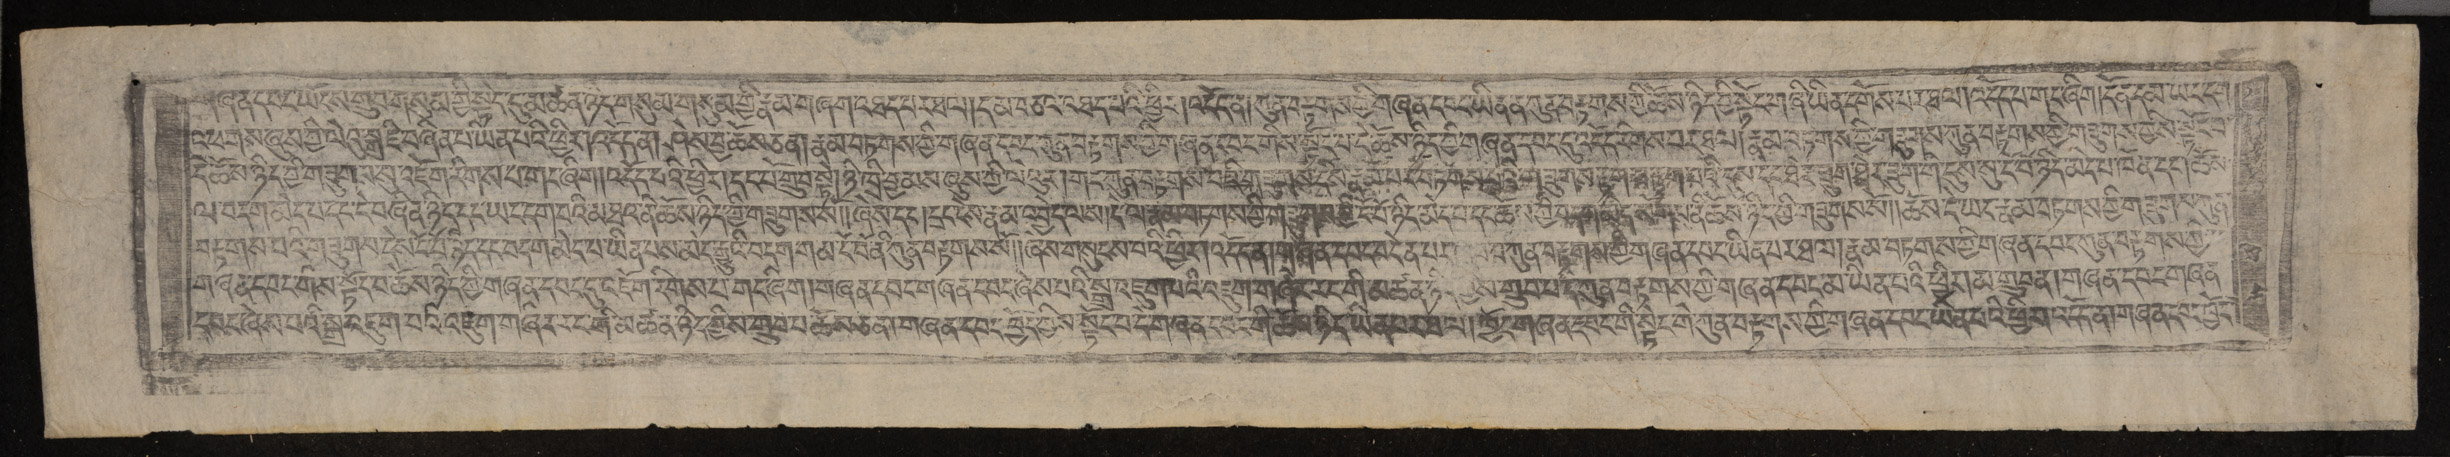གཞན་དབང་ཡོངས་གྲུབ་གསུམ་གྱི་སྟེང་དུ་མཚན་ཉིད་གསུམ་གསུམ་གྱི་རྣམ་གཞག་འཐད་པར་ཐལ། དམ་བཅའ་འཐད་པའི་ཕྱིར། འདོད་ན། ཀུན་བརྟགས་ཀྱི་གཞན་དབང་ཡིན་ན་ཀུན་བརྟགས་ཀྱི་ཆོས་ཉིད་ཀྱི་སྟོང་གཞི་ཡིན་དགོས་པར་ཐལ། འདོད་པ་གང་ཞིག། དོན་དམ་ཡང་དག་
འཕགས་ཞུས་ཀྱི་ལེའུ་སྒྲ་ཇི་བཞིན་པ་ཡིན་པའི་ཕྱིར། འདོད་ན། ཤེས་བྱ་ཆོས་ཅན། རྣམ་བཏགས་ཀྱི་གཞན་དབང་ཀུན་བརྟགས་ཀྱི་གཞན་དབང་གིས་སྟོང་པ་དེ་ཆོས་ཉིད་ཀྱི་གཞན་དབང་དུ་འདོད་རིགས་པར་ཐལ། རྣམ་བཏགས་ཀྱི་གཟུགས་ཀུན་བརྟགས་ཀྱི་གཟུགས་ཀྱིས་སྟོང་པ་
དེ་ཆོས་ཉིད་ཀྱི་གཟུགས་སུ་འཇོག་རིགས་པ་གང་ཞིག། འདོད་པའི་ཕྱིར། དང་པོ་གྲུབ་སྟེ། ཉི་ཁྲི་བྱམས་ཞུས་ཀྱི་ལེའུར། གང་ཀུན་བརྟགས་པའི་གཟུགས་དེས་རྣམ་པར་བཏགས་པའི་གཟུགས་རྟག་པ་རྟག་པའི་དུས་དང་ཐེར་ཟུག་ཐེར་ཟུག་གི་དུས་སུ་ངོ་བོ་ཉིད་མེད་པ་ཁོ་ན་དང་། ཆོས་
ལ་བདག་མེད་པ་དང་དེ་བཞིན་ཉིད་དང་ཡང་དག་པའི་མཐའ་ནི་ཆོས་ཉིད་ཀྱི་གཟུགས་སོ། །ཞེས་དང་། དྲང་ངེས་རྣམ་འབྱེད་ལས། དེ་ལ་རྣམ་བཏགས་ཀྱི་གཟུགས་ཀྱི་ངོ་བོ་ཉིད་མེད་པ་དང་ཆོས་ཀྱི་བདག་མེད་སོགས་ནི་ཆོས་ཉིད་ཀྱི་གཟུགས་སོ། །ཆོས་དེ་ཡང་རྣམ་བཏགས་ཀྱི་གཟུགས་ཀུན་
བརྟགས་པའི་གཟུགས་དེས་ངོ་བོ་ཉིད་དང་བདག་མེད་པ་ཡིན་པས་མེད་རྒྱུའི་བདག་གམ་ངོ་བོ་ནི་ཀུན་བརྟགས་སོ། །ཞེས་གསུངས་པའི་ཕྱིར། འདོད་ན། གཞན་དབང་བདེན་པར་གྲུབ་པ་ཀུན་བརྟགས་ཀྱི་གཞན་དབང་ཡིན་པར་ཐལ། རྣམ་བཏགས་ཀྱི་གཞན་དབང་ཀུན་བརྟགས་ཀྱི་
གཞན་དབང་གིས་སྟོང་པ་ཆོས་ཉིད་ཀྱི་གཞན་དབང་དུ་འཇོག་རིགས་པ་གང་ཞིག། གཞན་དབང་གཞན་དབང་ཞེས་པའི་སྒྲ་འཇུག་པའི་འཇུག་གཞིར་རང་གི་མཚན་ཉིད་ཀྱིས་གྲུབ་པ་དེ་ཀུན་བརྟགས་ཀྱི་གཞན་དབང་མ་ཡིན་པའི་ཕྱིར། མ་གྲུབ་ན། གཞན་དབང་ལྒྮན་
དབང་ཞེས་པའི་སྒྲ་འཇུག་པའི་འཇུག་གཞིར་རང་གི་མཚན་ཉིད་ཀྱིས་གྲུབ་པ་ཆོས་ཅན། གཞན་དབང་ཁྱོད་ཀྱིས་སྟོང་པ་དེ་གཞན་དབང་གི་ཆོས་ཉིད་ཡིན་པར་ཐལ། ཁྱོད་གཞན་དབང་གི་སྟེང་གི་ཀུན་བརྟགས་ཀྱི་གཞན་དབང་ཡིན་པའི་ཕྱིར། འདོད་ན། གཞན་དབང་ཁྱོད་